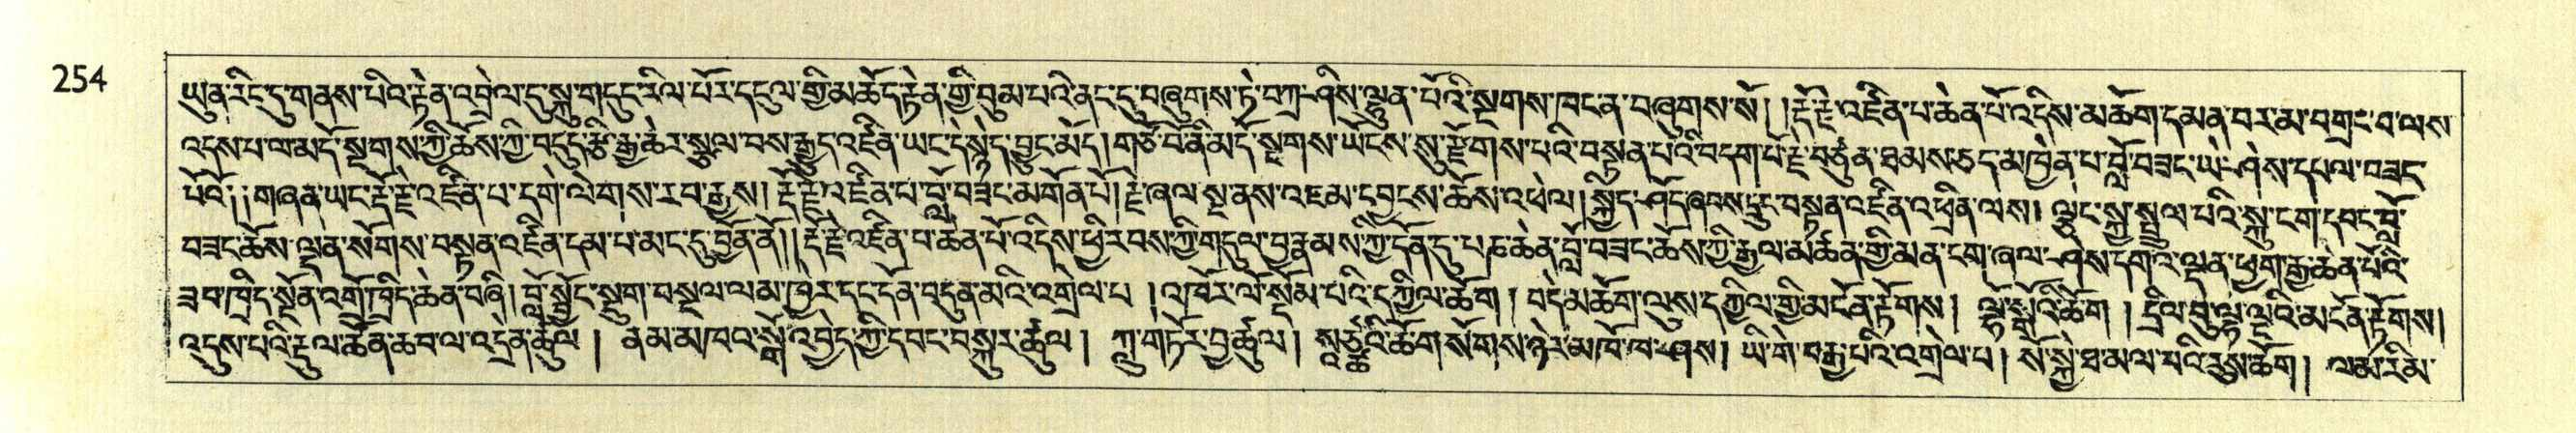ཡུན་རིང་དུ་གནས་པའི་རྟེན་འབྲེལ་དུ་སྐུ་གདུང་རིལ་པོར་དངུལ་གྱི་མཆོད་རྟེན་གྱི་བུམ་པའི་ནང་དུ་བཞུགས་ཏེ་བཀྲ་ཤིས་ལྷུན་པོའི་སྔགས་ཁང་ན་བཞུགས་སོ། །རྡོ་རྗེ་འཛིན་པ་ཆེན་པོ་འདིས་མཆོག་དམན་པར་མ་བགྲང་བ་ལས་
འདས་པ་ལ་མདོ་སྔགས་ཀྱི་ཆོས་ཀྱི་བདུད་རྩི་རྒྱ་ཆེར་སྩལ་བས་རྒྱུད་འཛིན་ཡང་དེ་སྙེད་བྱུང་མོད། གཙོ་བོ་ནི་མདོ་སྔགས་ཡོངས་སུ་རྫོགས་པའི་བསྟན་པའི་བདག་པོ་རྗེ་བཙུན་ཐམས་ཅད་མཁྱེན་པ་བློ་བཟང་ཡེ་ཤེས་དཔལ་བཟང་
པོའོ༑ ༑གཞན་ཡང་རྡོ་རྗེ་འཛིན་པ་དགེ་ལེགས་རབ་རྒྱས། །རྡོ་རྗེ་འཛིན་པ་བློ་བཟང་མགོན་པོ། རྗེ་ཞལ་སྔ་ནས་འཇམ་དབྱངས་ཆོས་འཕེལ། སྐྱིད་ཤོད་ཞབས་དྲུང་བསྟན་འཛིན་འཕྲིན་ལས། ལྕང་སྐྱུ་སྦྲུལ་པའི་སྐུ་ངག་དབང་བློ་
བཟང་ཆོས་ལྡན་སོགས་བསྟན་འཛིན་དམ་པ་མང་དུ་བྱོན་ནོ། །རྡོ་རྗེ་འཛིན་པ་ཆེན་པོ་འདིས་ཕྱིར་བས་ཀྱི་གདུལ་བྱ་རྣམས་ཀྱི་དོན་དུ་པཎ་ཆེན་བློ་བཟང་ཆོས་ཀྱི་རྒྱལ་མཚན་གྱི་མན་ངག་ཞལ་ཤེས་དགའ་ལྡན་ཕྱག་རྒྱ་ཆེན་པོའི་
ཟབ་ཁྲིད་སྔོན་འགྲོ་ཁྲིད་ཆེན་བཞི། བློ་སྦྱོང་སྡུག་བསྔལ་ལམ་ཁྱེར་དང་དོན་བདུན་མའི་འགྲེལ་པ་།འཁོར་ལོ་སྡོམ་པའི་དཀྱིལ་ཆོག། བདེ་མཆོག་ལུས་དཀྱིལ་གྱི་མངོན་རྟོགས། ལྷོ་སྒོའི་ཆོག །དྲིལ་བུ་ལྷ་ལྔའི་མངོན་རྟོགས།
འདུས་པའི་རྡུལ་ཚོན་ཆབ་ལ་འདྲེན་ཚུལ། ནམ་མཁའ་སྒོ་འབྱེད་ཀྱི་དབང་བསྐུར་ཚུལ། ཀླུ་གཏོར་བྱ་ཚུལ། སཱ་ཙྪའི་ཆོག་སོགས་ཉེར་མཁོ་ཁ་ཤས། ཡི་གེ་བརྒྱ་པའི་འགྲེལ་པ། སོ་སྐྱེ་ཐ་མལ་པའི་རུས་ཆོག། ལམ་རིམ་